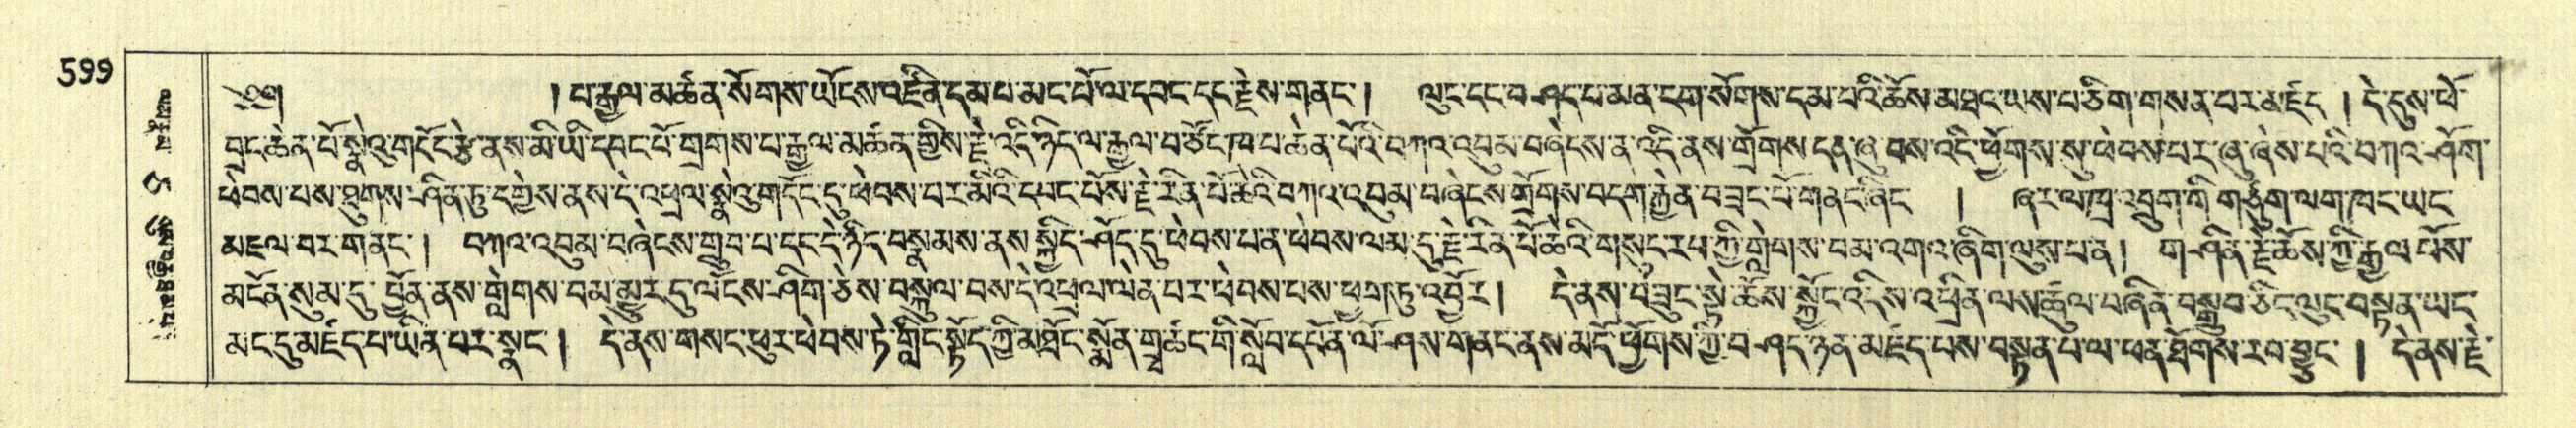༄༅། །པ་རྒྱལ་མཚན་སོགས་ཡོངས་འཛིན་དམ་པ་མང་པོ་ལ་དབང་དང་རྗེས་གནང་། ལུང་དང་བཤད་པ་མན་ངག་སོགས་དམ་པའི་ཆོས་མཐའ་ཡས་པ་ཅིག་གསན་པར་མཛད། དེ་དུས་ཕོ་
བྲང་ཆེན་པོ་སྣེའུ་གདོང་རྩེ་ནས་མི་ཡི་དབང་པོ་གྲགས་པ་རྒྱལ་མཚན་གྱིས་རྗེ་འདི་ཉིད་ལ་རྒྱལ་བ་ཙོང་ཁ་པ་ཆེན་པོའི་བཀའ་འབུམ་བཞེངས་ན་འདི་ནས་གྲོགས་དན་ཞུ་བས་འདི་ཕྱོགས་སུ་ཕེབས་པར་ཞུ་ཞེས་པའི་བཀའ་ཤོག་
ཕེབས་པས་ཐུགས་ཤིན་ཏུ་དགྱེས་ནས་དེ་འཕྲལ་སྣེའུ་གདོང་དུ་ཕེབས་བར་མིའི་དབང་པོས་རྗེ་རིན་པོ་ཆེའི་བཀའ་འབུམ་བཞེངས་གྲོགས་བདག་རྒྱེན་བཟང་པོ་གནང་ཞིང་། ཞར་ལ་ཁྲ་འབྲུག་གི་གཙུག་ལག་ཁང་ཡང་
མཇལ་བར་གནང་། བཀའ་འབུམ་བཞེངས་གྲུབ་པ་དང་དེ་ཉིད་བསྣམས་ནས་སྐྱིད་ཤོད་དུ་ཕེབས་པ་ན་ཕེབས་ལམ་དུ་རྗེ་རིན་པོ་ཆེའི་གསུང་རབ་ཀྱི་གླེགས་བམ་འགའ་ཞིག་ལུས་པ་ན། གཤིན་རྗེ་ཆོས་ཀྱི་རྒྱལ་པོས་
མངོན་སུམ་དུ་བྱོན་ནས་གླེགས་བམ་མྱུར་དུ་ལོངས་ཤིག་ཅེས་བསྐུལ་བས་དེ་འཕྲལ་ལེན་པར་ཕེབས་པས་ཕྱག་ཏུ་འབྱོར། དེ་ནས་བཟུང་སྟེ་ཆོས་སྐྱོང་འདིས་འཕྲིན་ལས་ཚུལ་བཞིན་བསྒྲུབ་ཅིང་ལུང་བསྟན་ཡང་
མང་དུ་མཛད་པ་ཡིན་པར་སྣང་། དེ་ནས་གསང་ཕུར་ཕེབས་ཏེ་གླིང་སྟོད་ཀྱི་མཐོང་སྨོན་གྲྭ་ཚང་གི་སློབ་དཔོན་ལོ་ཤས་གནང་ནས་མདོ་ཕྱོགས་ཀྱི་བཤད་ཉོན་མཛད་པས་བསྟན་པ་ལ་ཕན་ཐོགས་རབ་བྱུང་། དེ་ནས་རྗེ་